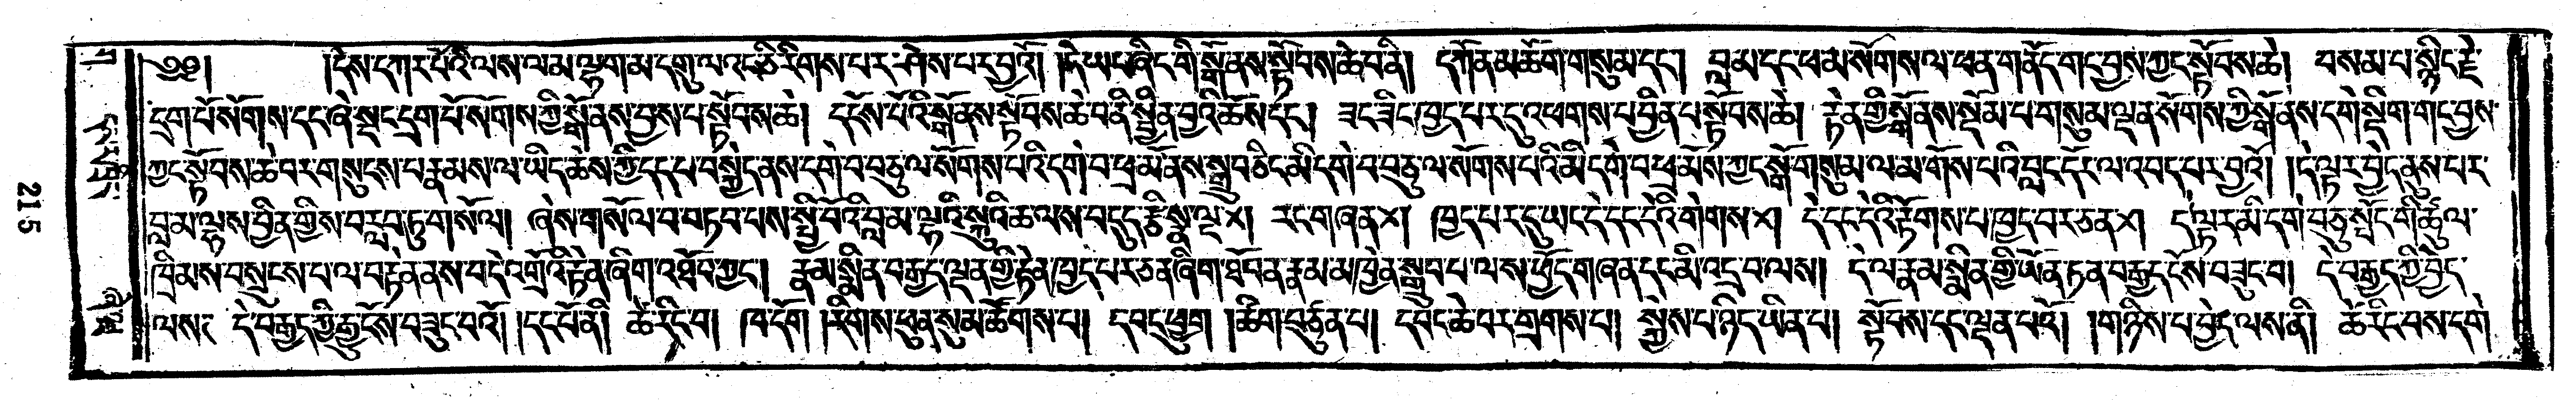༄༅། །དེས་དཀར་པོའི་ལས་ལམ་ལྷག་མ་དགུ་ལའང་ཅི་རིགས་པར་ཤེས་པར་བྱའོ། །དེ་ཡང་ཞིང་གི་སྒོ་ནས་སྟོབས་ཆེ་བ་ནི། དཀོན་མཆོག་གསུམ་དང་། བླ་མ་དང་ཕ་མ་སོགས་ལ་ཕན་གནོད་གང་བྱས་ཀྱང་སྟོབས་ཆེ། བསམ་པ་སྙིང་རྗེ་
དྲག་པོ་སོགས་དང་ཞེ་སྡང་དྲག་པོ་སོགས་ཀྱི་སྒོ་ནས་བྱས་པ་སྟོབས་ཆེ། དངོས་པོའི་སྒོ་ནས་སྟོབས་ཆེ་བ་ནི་སྦྱིན་བྱའི་ཆོས་དང་། ཟང་ཟིང་ཁྱད་པར་དུ་འཕགས་པ་བྱིན་པ་སྟོབས་ཆེ། རྟེན་གྱི་སྒོ་ནས་སྡོམ་པ་གསུམ་ལྡན་སོགས་ཀྱི་སྒོ་ནས་དགེ་སྡིག་གང་བྱས་
ཀྱང་སྟོབས་ཆེ་བར་གསུངས་པ་རྣམས་ལ་ཡིད་ཆེས་ཀྱི་དད་པ་བསྐྱེད་ནས་དགེ་བ་བཅུ་ལ་སོགས་པའི་དགེ་བ་ཕྲ་མོ་ནས་སྒྲུབ་ཅིང་མི་དགེ་བ་བཅུ་ལ་སོགས་པའི་མི་དགེ་བ་ཕྲ་མོས་ཀྱང་སྒོ་གསུམ་ལམ་གོས་པའི་བླང་དོར་ལ་འབད་པར་བྱའོ། །དེ་ལྟར་བྱེད་ནུས་པར་
བླ་མ་ལྷས་བྱིན་གྱིས་བརླབ་ཏུ་གསོལ། ཞེས་གསོལ་བ་བཏབ་པས་སྤྱི་བོའི་བླ་མ་ལྷའི་སྐུའི་ཆ་ལས་བདུད་རྩི་སྣ་ལྔ་྾། རང་གཞན་྾། ཁྱད་པར་དུ་ཡང་དེ་དང་དེའི་གེགས་྾། དེ་དང་དེའི་རྟོགས་པ་ཁྱད་པར་ཅན་྾། དེ་ལྟར་མི་དགེ་བཅུ་སྤོང་གི་ཚུལ་
ཁྲིམས་བསྲུངས་པ་ལ་བརྟེན་ནས་བདེ་འགྲོའི་རྟེན་ཞིག་འཐོབ་ཀྱང་། རྣམ་སྨིན་བརྒྱད་ལྡན་གྱི་རྟེན་ཁྱད་པར་ཅན་ཞིག་ཐོབ་ན་རྣམ་མཁྱེན་སྒྲུབ་པ་ལས་ཕྱོད་གཞན་དང་མི་འདྲ་བ་ལས། དེ་ལ་རྣམ་སྨིན་གྱི་ཡོན་ཏན་བརྒྱད་ངོས་བཟུང་བ། དེ་བརྒྱད་ཀྱི་བྱེད་
ལས༑ དེ་བརྒྱད་ཀྱི་རྒྱུ་ངོས་བཟུང་བའོ། །དང་པོ་ནི། ཚེ་རིང་བ། ཁ་དོག །རིགས་ཕུན་སུམ་ཚོགས་པ། དབང་ཕྱུག །ཚིག་བཙུན་པ། དབང་ཆེ་བར་གྲགས་པ། སྐྱེས་པ་ཉིད་ཡིན་པ། སྟོབས་དང་ལྡན་པའོ། །གཉིས་པ་བྱེད་ལས་ནི། ཚེ་རིང་བས་དགེ་